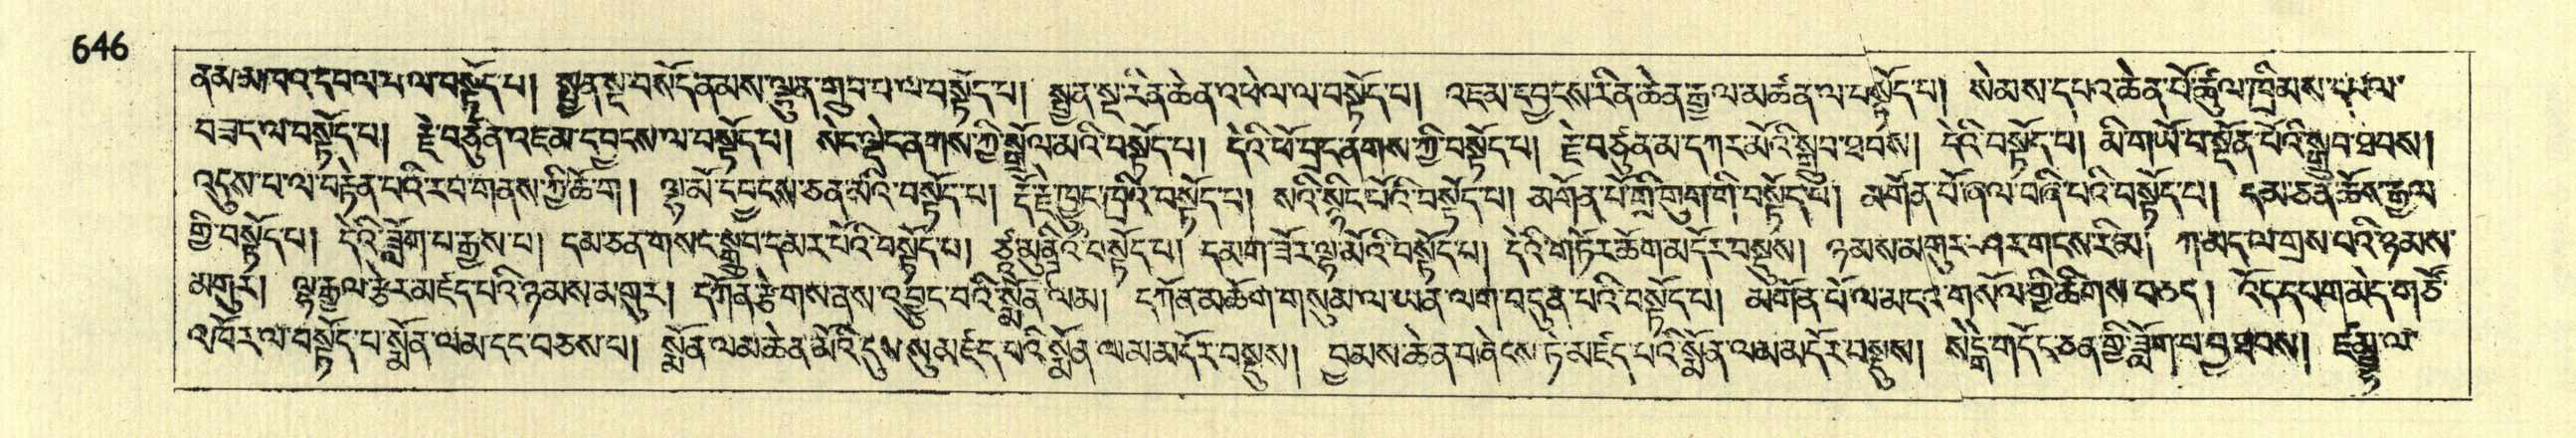ནམ་མཁའ་དཔལ་བ་ལ་བསྟོད་པ། སྤྱན་སྔ་བསོད་ནམས་ལྷུན་གྲུབ་པ་ལ་བསྟོད་པ། སྤྱན་སྔ་རིན་ཆེན་འཕེལ་ལ་བསྟོད་པ། འཇམ་དབྱངས་རིན་ཆེན་རྒྱལ་མཚན་ལ་བསྟོད་པ། སེམས་དཔའ་ཆེན་པོ་ཚུལ་ཁྲིམས་དཔལ་
བཟང་ལ་བསྟོད་པ། རྗེ་བཙུན་འཇམ་དབྱངས་ལ་བསྟོད་པ། སེང་ལྡེང་ནགས་ཀྱི་སྒྲོལ་མའི་བསྟོད་པ། དེའི་ཕོ་བྲང་ནགས་ཀྱི་བསྟོད་པ། རྗེ་བཙུན་མ་དཀར་མོའི་སྒྲུབ་ཐབས། དེའི་བསྟོད་པ། མི་གཡོ་བ་སྔོན་པོའི་སྒྲུབ་ཐབས།
འདུས་པ་ལ་བརྟེན་པའི་རབ་གནས་ཀྱི་ཆོ་ག། ལྷ་མོ་དབྱངས་ཅན་མའི་བསྟོད་པ། རྡོ་རྗེ་ཁྱུང་ཁྲིའི་བསྟོད་པ། སའི་སྙིང་པོའི་བསྟོད་པ། མགོན་པོ་གྲི་གུག་གི་བསྟོད་པ། མགོན་པོ་ཞལ་བཞི་པའི་བསྟོད་པ། དམ་ཅན་ཆོས་རྒྱལ་
གྱི་བསྟོད་པ། དེའི་ཟློག་པ་རྒྱས་པ། དམ་ཅན་གསང་སྒྲུབ་དམར་པོའི་བསྟོད་པ། ཙཱ་མུནྚིཨཱྀ་བསྟོད་པ། དམག་ཟོར་ལྷ་མོའི་བསྟོད་པ། དེའི་གཏོར་ཆོག་མདོར་བསྡུས། ཉམས་མགུར་ཤར་གངས་རིམ། ཀ་མད་ལ་གྲས་པའི་ཉམས་
མགུར། ལྷ་རྒྱལ་རྩེར་མཛད་པའི་ཉམས་མགུར། དཀོན་རྩེགས་ནས་འབྱུང་བའི་སྨོན་ལམ། དཀོན་མཆོག་གསུམ་ལ་ཡན་ལག་བདུན་པའི་བསྟོད་པ། མགོན་པོ་ལ་མངའ་གསོལ་གྱི་ཚིགས་བཅད། འོད་དཔག་མེད་གཙོ་
འཁོར་ལ་བསྟོད་པ་སྨོན་ལམ་དང་བཅས་པ། སྨོན་ལམ་ཆེན་མོའི་དུས་སུ་མཛད་པའི་སྨོན་ལམ་མདོར་བསྡུས། བྱམས་ཆེན་བཞེངས་ཏེ་མཛད་པའི་སྨོན་ལམ་མདོར་བསྡུས། སེངྒེ་གདོང་ཅན་གྱི་ཟློག་པ་བྱ་ཐབས། ཛམྦྷ་ལ་